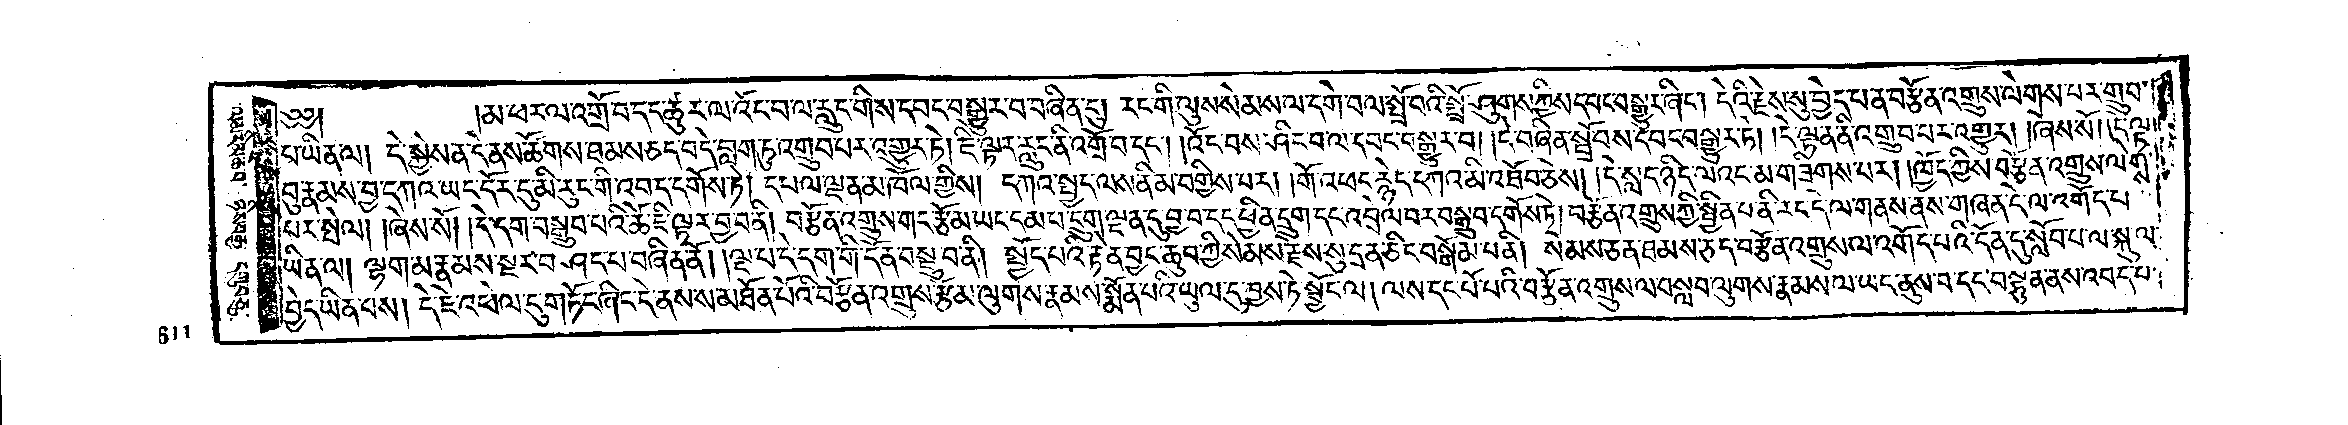༄༅། །མ་ཕར་ལ་འགྲོ་བ་དང་ཚུར་ལ་འོང་བ་ལ་རླུང་གིས་དབང་བསྒྱུར་བ་བཞིན་དུ། རང་གི་ལུས་སེམས་ལ་དགེ་བ་ལ་སྤྲོ་བའི་སྤྲོ་ཤུགས་ཀྱིས་དབང་བསྒྱུར་ཞིང་། དེའི་རྗེས་སུ་བྱེད་པ་ན་བརྩོན་འགྲུས་ལེགས་པར་གྲུབ་
པ་ཡིན་ལ། དེ་སྐྱེས་ན་དེ་ནས་ཚོགས་ཐམས་ཅད་བདེ་བླག་ཏུ་འགྲུབ་པར་འགྱུར་ཏེ། ཇི་ལྟར་རླུང་ནི་འགྲོ་བ་དང་། །འོང་བས་ཤིང་བལ་དབང་བསྒྱུར་བ། །དེ་བཞིན་སྤྲོ་བས་དབང་བསྒྱུར་ཏེ། །དེ་ལྟ་ན་ནི་འགྲུབ་པར་འགྱུར། །ཞེས་སོ། །དེ་ལྟ་
བུ་རྣམས་བྱ་དཀའ་ཡང་དོར་དུ་མི་རུང་གི་འབད་དགོས་ཏེ། དཔལ་ལྡན་མ་ཁོལ་གྱིས། དཀའ་སྤྱད་ལས་ནི་མ་བགྱིས་པར། །གོ་འཕང་རྙེད་དཀའ་མི་འཐོབ་ཅེས། །དེ་སླད་ཉིད་ལའང་མ་གཟིགས་པར། །ཁྱོད་ཀྱིས་བརྩོན་འགྲུས་ལེགས་
པར་སྤེལ། །ཞེས་སོ། །དེ་དག་བསྒྲུབ་པའི་ཚེ་ཇི་ལྟར་བྱ་བ་ནི། བརྩོན་འགྲུས་གང་རྩོམ་ཡང་དམ་པ་དྲུག་ལྡན་དུ་བྱ་བ་དང་ཕྱིན་དྲུག་དང་འབྲེལ་བར་བསྒྲུབ་དགོས་ཏེ། བརྩོན་འགྲུས་ཀྱི་སྦྱིན་པ་ནི་རང་དེ་ལ་གནས་ནས་གཞན་དེ་ལ་འགོད་པ་
ཡིན་ལ། ལྷག་མ་རྣམས་སྔར་བཤད་པ་བཞིན་ནོ། །ལྔ་པ་དེ་དག་གི་དོན་བསྡུ་བ་ནི། སྤྱོད་པའི་རྟེན་བྱང་ཆུབ་ཀྱི་སེམས་རྗེས་སུ་དྲན་ཅིང་བསྒོམ་པ་ནི། སེམས་ཅན་ཐམས་ཅད་བརྩོན་འགྲུས་ལ་འགོད་པའི་དོན་དུ་སློབ་པ་ལ་སྐུལ་
བྱེད་ཡིན་པས། དེ་ཇེ་འཕེལ་དུ་གཏོང་ཞིང་དེ་ནས་ས་མཐོན་པོའི་བརྩོན་འགྲུས་རྩོམ་ལུགས་རྣམས་སྨོན་པའི་ཡུལ་དུ་བྱས་ཏེ་སྦྱོང་ལ། ལས་དང་པོ་པའི་བརྩོན་འགྲུས་ལ་བསླབ་ལུགས་རྣམས་ལ་ཡང་ནུས་པ་དང་བསྟུན་ནས་འབད་པ་